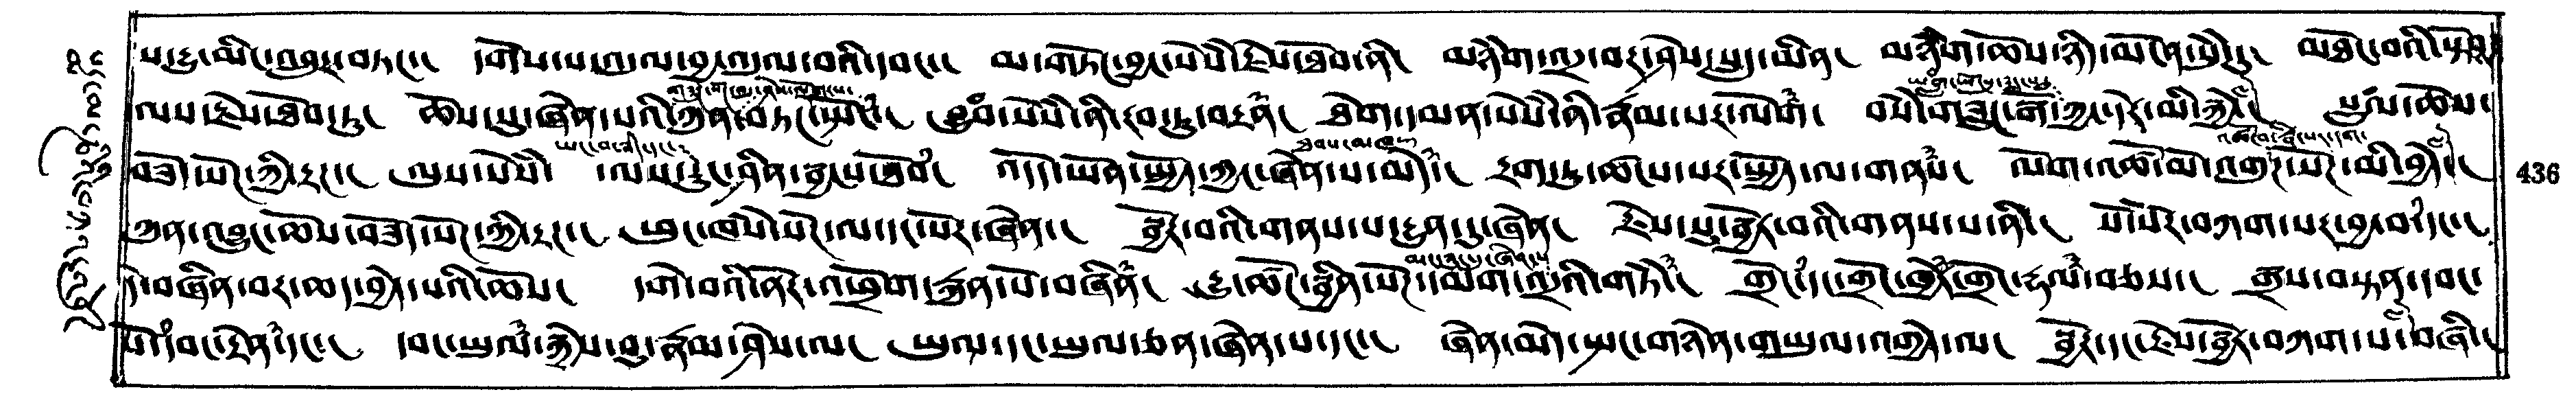པ་རྒྱུ་མིང་འབྲས་བུར་བཏགས། །དགོས་པ་གདུལ་བྱ་འདུལ་བའི་དབང་། །མ་གཏོགས་བྱང་སེམས་རྗེས་ཐོབ་ནི། །མཉམ་བཞག་འདྲ་བར་ཤེས་སླད་ཡིན། །མཉམ་བཞག་ཆོས་ཉིད་མངོན་སུམ་དུ། །མཐོང་བའི་སྟོབས་
ལས་རྗེས་ཐོབ་ཏུ། །ཆོས་སུ་ཞེན་པའི་གཟུགས་སོགས་འདུ་ཤེས་ལྡོག་པ་ཀུན་བཏགས་སྤོང་། །བྱང་ཆུབ་སེམས་ནི་རབ་ཏུ་བརྟན། །ཐེག་དམན་སེམས་ནི་རྣམ་པར་ལོག །བསམ་གཟུགས་སྒོ་ཡན་ལག་ཡོངས་སུ་ཟད་པ་ཡང་དེར་མི་སྐྱེ། །སྡུག་བསྔལ་ཆོས་
བཟོད་སོགས་ཀྱི་རྟགས། །ལུས་སེམས་ལས་རུང་ཡང་བ་ཉིད་དང་ཤིན་སྦྱངས་ཐོབ། །འདོད་ཡོན་སྤྱོད་ཀྱང་ཞེན་པ་མེད། ཐབས་མཁས། རྟག་ཏུ་ཚངས་པར་སྤྱོད་ལ་གནས། །ལོག་འཚོ་མོ་འགུགས་འཚོ་བ་རྣམ་པར་དག་སོགས་མི་བྱེད། །
ཀུན་འབྱུང་ཆོས་བཟོད་སོགས་ཀྱི་རྟགས། །ཕུང་ཁམས་སོགས་ལ་དང་པོར་ཞེན། །སྦྱོར་བའི་གནས་པ་རྒྱུན་དུ་ཞེན། །རྗེས་སུ་སྦྱོར་བའི་གནས་པ་ནི། །སོ་སོར་བཀག་པར་བྱ་བ་དང་། །
དེ་བཞིན་བར་ཆད་བྱེད་པའི་ཆོས། །དགེ་བའི་ནོར་འཕྲོག་རྐུན་པོ་བཞིན། །རྒྱུ་ཚོགས་སྦྱིན་སོགས་དམག་འདྲའི་མང་ཉུང་དུ་ཞེན་པ་གཏམ། །གྲོང་དང་གྲོང་ཁྱེར་གྲོང་རྡལ་བཅས། །སྒྲས་བསྟན་དབང་
པོ་དབང་རྟེན་དང་། །དབང་ཡུལ་སྐྱེས་བུ་རྣམ་ཤེས་ལ། །ཡུལ་དང་ཡུལ་ཅན་ཞེན་པ་དང་། །ཞེན་མེད་སྤང་གཉེན་གཡུལ་འགྱེད་ལ། །སྦྱོར་དང་རྗེས་སྦྱོར་བཀག་པ་བཞི། །